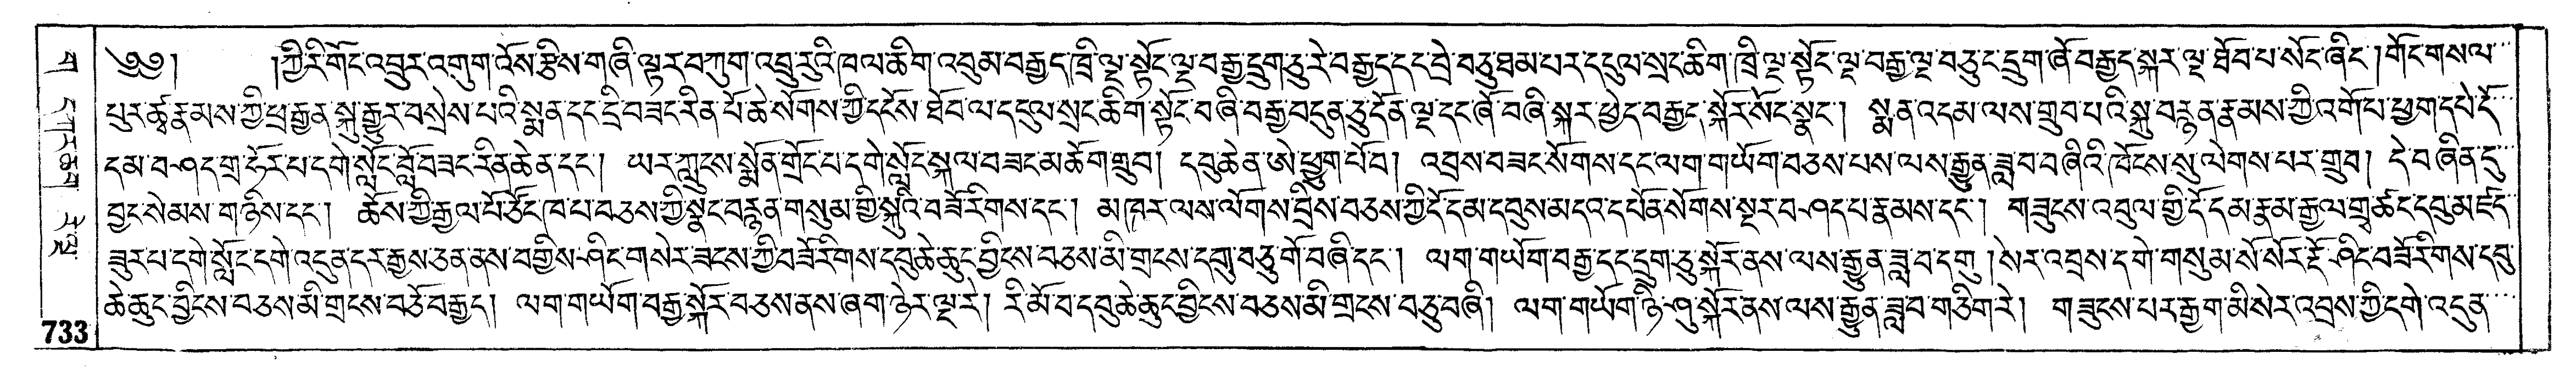༄༅། །ཀྱི་རི་གོང་འབྲུར་འགུག་འོས་རྩིས་གཞི་ལྟར་བཀུག་འབྲུ་རུའི་ཁལ་ཆིག་འབུམ་བརྒྱད་ཁྲི་ལྔ་སྟོང་ལྔ་བརྒྱ་དྲུག་ཅུ་རེ་བརྒྱད་དང་བྲེ་བཅུ་ཐམ་པར་དངུལ་སྲང་ཆིག་ཁྲི་ལྔ་སྟོང་ལྔ་བརྒྱ་ལྔ་བཅུ་ང་དྲུག་ཞོ་བརྒྱད་སྐར་ལྔ་ཐོབ་པ་སོང་ཞིང་།གོང་གསལ་
པུར་ཚྭ་རྣམས་ཀྱི་ཕྲ་རྒྱན་སྐུ་རྒྱུར་བསྲེས་པའི་སྨན་དང་དྲི་བཟང་རིན་པོ་ཆེ་སོགས་ཀྱི་དངོས་ཐོབ་ལ་དངུལ་སྲང་ཆིག་སྟོང་བཞི་བརྒྱ་བདུན་ཅུ་དོན་ལྔ་དང་ཞོ་བཞི་སྐར་ཕྱེད་བརྒྱད་སྐོར་སོང་སྣང་། སྨན་འདམ་ལས་གྲུབ་པའི་སྐུ་བརྙན་རྣམས་ཀྱི་འགོ་པ་ཕྱག་དཔེ་དོ་
དམ་བཤད་གྲ་ཧོར་པ་དགེ་སློང་བློ་བཟང་རིན་ཆེན་དང་། ཡར་ཀླུངས་སྨོན་གྲོང་པ་དགེ་སློང་སྐལ་བཟང་མཆོག་གྲུབ། དབུ་ཆེན་ཨེ་ཕྱུག་པོ་བ། འབྲས་བཟང་སོགས་དང་ལག་གཡོག་བཅས་པས་ལས་རྒྱུན་ཟླ་བ་བཞིའི་ཁོངས་སུ་ལེགས་པར་གྲུབ། དེ་བཞིན་དུ་
བྱང་སེམས་གཉིས་དང་། ཆོས་ཀྱི་རྒྱལ་པོ་ཙོང་ཁ་པ་བཅས་ཀྱི་སྣང་བརྙན་གསུམ་གྱི་སྐུའི་བཟོ་རིགས་དང་། མཁར་ལས་ལོགས་བྲིས་བཅས་ཀྱི་དོ་དམ་དབུས་མདའ་དཔོན་སོགས་སྔར་བཤད་པ་རྣམས་དང་། གཟུངས་འབུལ་གྱི་དོ་དམ་རྣམ་རྒྱལ་གྲྭ་ཚང་དབུ་མཛད་
ཟུར་པ་དགེ་སློང་དགེ་འདུན་དར་རྒྱས་ཅན་ནས་བགྱིས་ཤིང་གསེར་ཟངས་ཀྱི་བཟོ་རིགས་དབུ་ཆེ་ཆུང་བྱིངས་བཅས་མི་གྲངས་དགུ་བཅུ་གོ་བཞི་དང་། ལག་གཡོག་བརྒྱ་དང་དྲུག་ཅུ་སྐོར་ནས་ལས་རྒྱུན་ཟླ་བ་དགུ །སེར་འབྲས་དགེ་གསུམ་སོ་སོར་རྡོ་ཤིང་བཟོ་རིགས་དབུ་
ཆེ་ཆུང་བྱིངས་བཅས་མི་གྲངས་བཅོ་བརྒྱད། ལག་གཡོག་བརྒྱ་སྐོར་བཅས་ནས་ཞག་ཉེར་ལྔ་རེ། རི་མོ་བ་དབུ་ཆེ་ཆུང་བྱིངས་བཅས་མི་གྲངས་བཅུ་བཞི། ལག་གཡོག་ཉི་ཤུ་སྐོར་ནས་ལས་རྒྱུན་ཟླ་བ་གཅིག་རེ། གཟུངས་བར་རྒྱག་མི་སེར་འབྲས་ཀྱི་དགེ་འདུན་